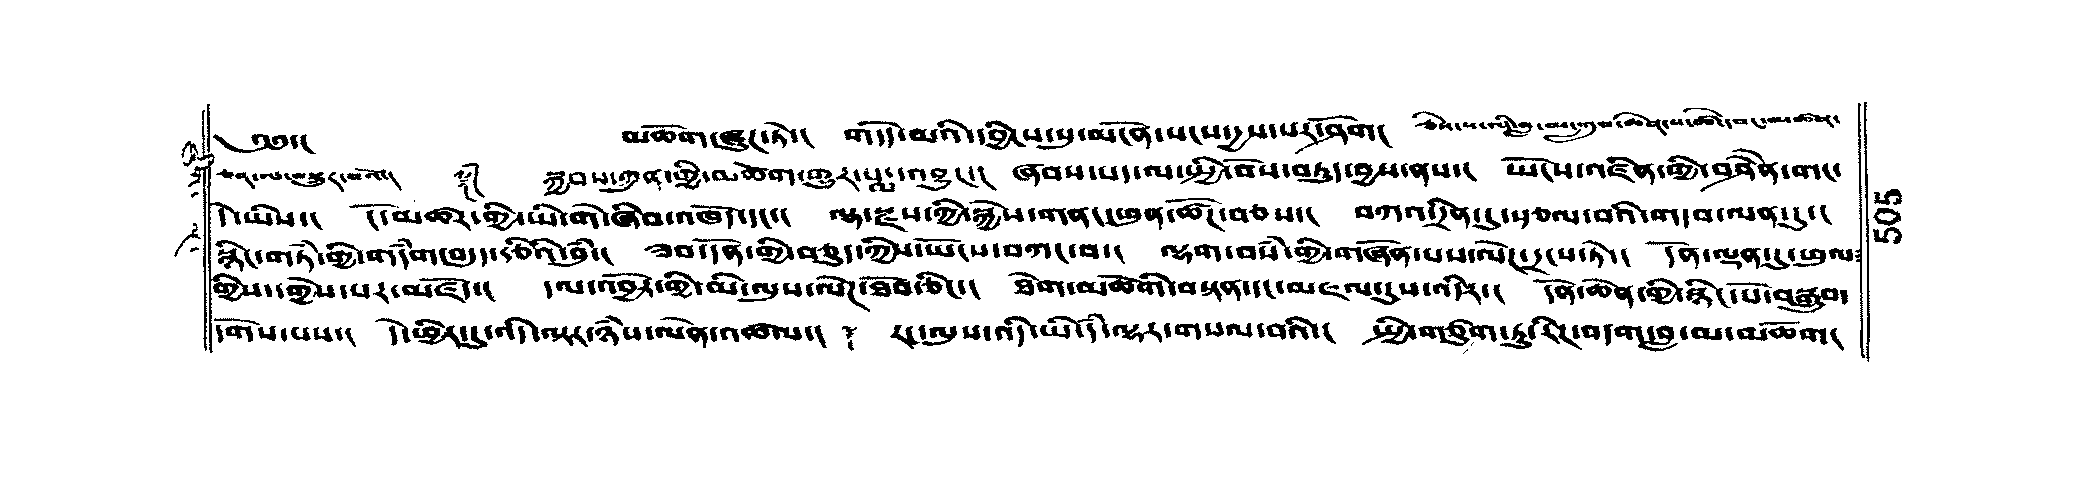མཆོག་ཞུགས་ཏེ། །གདོད་མའི་དབྱིངས་སུ་མངོན་སངས་རྒྱས་པར་ཤོག། ཅེས་པ་འདི་བླ་མ་གྲུབ་ཆེན་པ་ཚེ་དབང་མཚན་
ཅན་ལ་བསྐུར་པའོ།། ༈ སྐྱབས་ཀུན་གྱི་མཆོག་གྱུར་པདྨ་འབྱུང་། །ཞབས་པད་ལ་སྤྱི་བོས་བཏུད་བྱས་ནས། །ཡོངས་འཛིན་གྱི་བཤེས་གཉེན་གང་
དེ་ཡིས། །ངོ་མཚར་གྱི་ཡི་གེ་ཞིབ་འཁོད་དང་། །ལྷ་རྫས་ཀྱི་སྐྱེས་གནང་ཕུན་ཚོགས་བཅས། །བཀའ་དྲིན་དུ་བསྩལ་བའི་གདབ་ལན་དུ། །
སྙིང་གཏམ་གྱི་གདམས་ངག་བདུད་རྩིའི་བུམ། །ཟབ་དོན་གྱི་བཅུད་ཀྱིས་ཡོངས་བཀང་བ། །ལྷག་བསམ་གྱི་བཞོན་པས་ལེགས་དྲངས་ཏེ། །དོན་ལྡན་དུ་ཕུལ་
གྱིས་དགྱེས་པར་མཛོད། །དལ་འབྱོར་གྱི་མི་ལུས་ལེགས་ཐོབ་ཅིང་། །ཐེག་མཆོག་གི་བསྟན་དང་མཇལ་དུས་འདིར། །དོན་ཆེན་གྱི་སྙིང་པོ་བསྒྲུབ་
དགོས་པས། །དེ་ཕྱིར་དུ་འདི་ལྟར་ཉམས་ལེན་འཚལ། །རང་ལུས་འདི་ཡི་དམ་ལྷར་གསལ་བའི། །སྤྱི་གཙུག་ཏུ་རིགས་བདག་བླ་མ་མཆོག